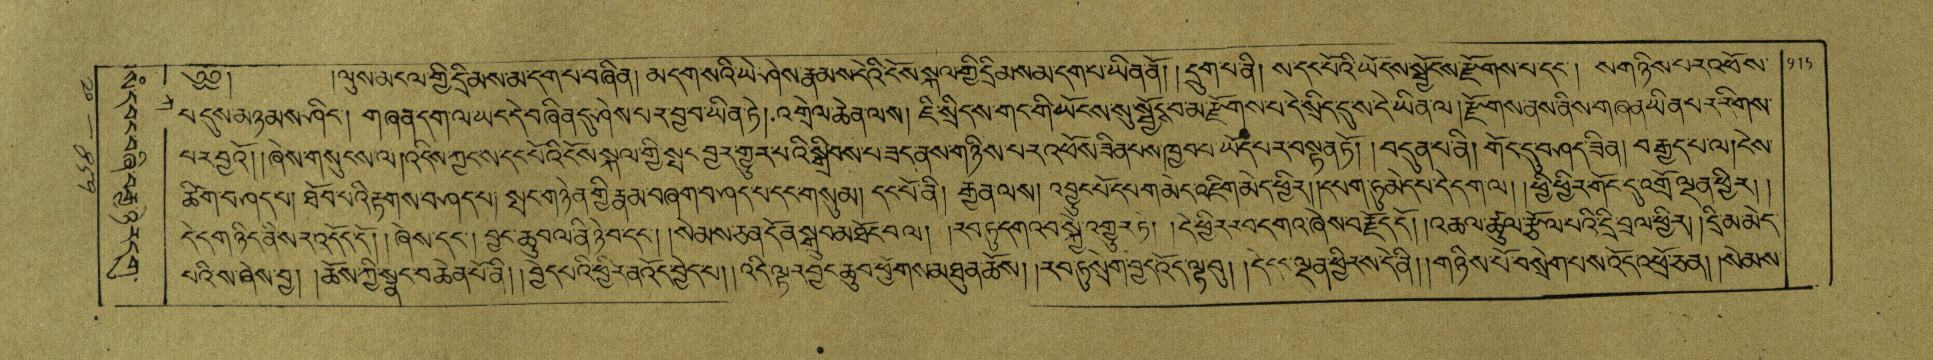༄༅། །ལུས་མངལ་གྱི་དྲི་མས་མ་དག་པ་བཞིན། མ་དག་སའི་ཡེ་ཤེས་རྣམས་དེའི་ངོས་སྐལ་གྱི་དྲི་མས་མ་དག་པ་ཡིན་ནོ། །དྲུག་པ་ནི། ས་དང་པོའི་ཡོངས་སྦྱོངས་རྫོགས་པ་དང་། ས་གཉིས་པར་འཕོས་
པ་དུས་མཉམས་ཤིང་། གཞན་དག་ལ་ཡང་དེ་བཞིན་དུ་ཤེས་པར་བྱ་བ་ཡིན་ཏེ། འགྲེལ་ཆེན་ལས། ཇི་སྲིད་ས་གང་གི་ཡོངས་སུ་སྦྱོང་བ་མ་རྫོགས་པ་དེ་སྲིད་དུ་ས་དེ་ཡིན་ལ། རྫོགས་ནས་ནི་ས་གཞན་ཡིན་པར་རིགས་
པར་བྱའོ། །ཞེས་གསུངས་ལ། འདིས་ཀྱང་ས་དང་པོའི་ངོས་སྐལ་གྱི་སྤང་བྱར་གྱུར་པའི་སྒྲིབས་པ་ཟད་ནས་གཉིས་པར་འཕོས་ཟིན་པས་ཁྱབ་པ་ཡོད་པར་བསྟན་ཏོ། །བདུན་པ་ནི། གོང་དུ་བཤད་ཟིན། བརྒྱད་པ་ལ། ངེས་
ཚིག་བཤད་པ། ཐོབ་པའི་རྟགས་བཤད་པ། སྤང་གཉེན་གྱི་རྣམ་བཞག་བཤད་པ་དང་གསུམ། དང་པོ་ནི། རྒྱན་ལས། འབྱུང་པོ་དཔག་མེད་འཇིག་མེད་ཕྱིར། །དཔག་ཏུ་མེད་པ་དེ་དག་ལ། །ཕྱི་ཕྱིར་གོང་དུ་འགྲོ་ལྡན་ཕྱིར།།
དེ་དག་ཉིད་ནི་སར་འདོད་དོ། །ཞེས་དང་། བྱང་ཆུབ་ལ་ནི་ཉེ་བ་དང་། །སེམས་ཅན་དོན་སྒྲུབ་མཐོང་བ་ལ། །རབ་ཏུ་དགའ་བ་སྐྱེ་འགྱུར་ཏེ། །དེ་ཕྱིར་རབ་དགའ་ཞེས་བརྗོད་དོ། །འཆལ་ཚུལ་རྩོལ་པའི་དྲི་བྲལ་ཕྱིར། །དྲི་མ་མེད་
པའི་ས་ཞེས་བྱ། །ཆོས་ཀྱི་སྣང་བ་ཆེན་པོ་ནི། །བྱེད་པའི་ཕྱིར་ནའོང་བྱེད་པ། །འདི་ལྟར་བྱང་ཆུབ་ཕྱོགས་མཐུན་ཆོས། །རབ་ཏུ་སྲེག་བྱེད་འོད་ལྟ་བུ། །དེ་དང་ལྡན་ཕྱིར་ས་དེ་ནི། །གཉིས་པོ་བསྲེག་པས་འོད་འཕྲོ་ཅན། །སེམས་